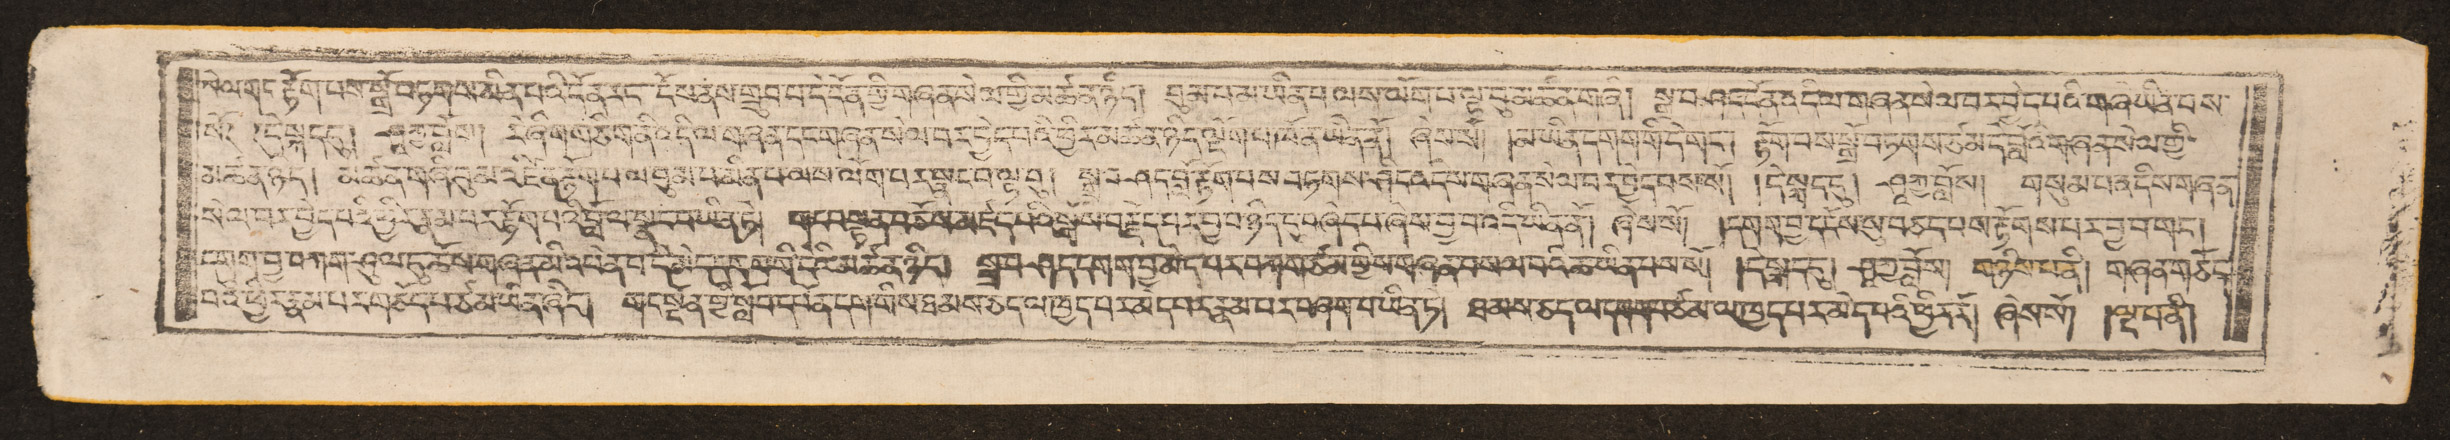སེལ་གང་རྟོག་པས་སྒྲོ་བཏགས་མིན་པའི་དོན་རང་ངོས་ནས་གྲུབ་པ་དེ་དོན་གྱི་གཞན་སེལ་གྱི་མཚན་ཉིད། བུམ་པ་མ་ཡིན་པ་ལས་ལོག་པ་ལྟ་བུ་མཚན་གཞི། སྒྲ་བཤད་དོན་འདི་ལ་གཞན་སེལ་བར་བྱེད་པའི་གཞི་ཡིན་པས་
སོ༑ ༑དེ་སྐད་དུ། ཤཱཀྱ་བློས། རེ་ཞིག་གཅིག་ནི་འདི་ལ་གཞན་དང་གཞན་སེལ་བར་བྱེད་པའི་ཕྱིར་མཚན་ཉིད་ལྡོག་པ་ཁོ་ན་ཡིན་ནོ། ཞེས་སོ། །མ་ཡིན་དགག་གི་དེ་གང་། རྟོག་པས་སྒྲོ་བཏགས་ཙམ་དེ་བློའི་གཞན་སེལ་གྱི་
མཚན་ཉིད། མཚན་གཞི་བུམ་འཛིན་རྟོག་པ་ལ་བུམ་བ་མིན་པ་ལས་ལོག་པར་སྣང་བ་ལྟ་བུ། སྒྲ་བཤད་བློ་རྟོག་པས་བཏགས་ཤིང་འདིས་གཞན་སེལ་བར་བྱེད་པས་སོ། །དེ་སྐད་དུ། ཤཱཀྱ་བློས། གསུམ་པ་འདིས་གཞན་
སེལ་པར་བྱེད་པའི་ཕྱིར་རྣམ་པར་རྟོག་པའི་བློ་ལ་སྣང་བ་ཡིན་ཏེ། གང་བསྟན་བཅོས་མཛད་པའི་སྒོས་བརྗོད་པར་བྱ་བ་ཉིད་དུ་བཞེད་པ་ཞེས་བྱ་བ་འདི་ཡིན་ནོ། ཞེས་སོ། །དགག་བྱ་དངོས་སུ་བཅད་པས་རྟོགས་པར་བྱ་བ་གང་།
དགག་བྱ་བཀག་ཤུལ་དུ་ཆོས་གཞན་མི་འཕེན་པ་དེ་མེད་དགག་གི་དེའི་མཚན་ཉིད། སྒྲ་བཤད་དགག་བྱ་མེད་པར་བཀག་ཙམ་གྱིས་གཞན་བསལ་བའི་ཆ་ཡིན་པས་སོ། །དེ་སྐད་དུ། ཤཱཀྱ་བློས། གཉིས་པ་ནི། གཞན་གཅོད་
པའི་ཕྱིར་རྣམ་པར་གཅོད་པ་ཙམ་ཡིན་ཞིང་། གང་སྔོན་གྱི་སློབ་དཔོན་དག་གིས་ཐམས་ཅད་ལ་ཁྱད་པར་མེད་པར་རྣམ་པར་བཞག་པ་ཡིན་ཏེ། ཐམས་ཅད་ལ་དགག་པ་ཙམ་ལ་ཁྱད་པར་མེད་པའི་ཕྱིར་རོ། ཞེས་སོ། །ལྔ་པ་ནི།